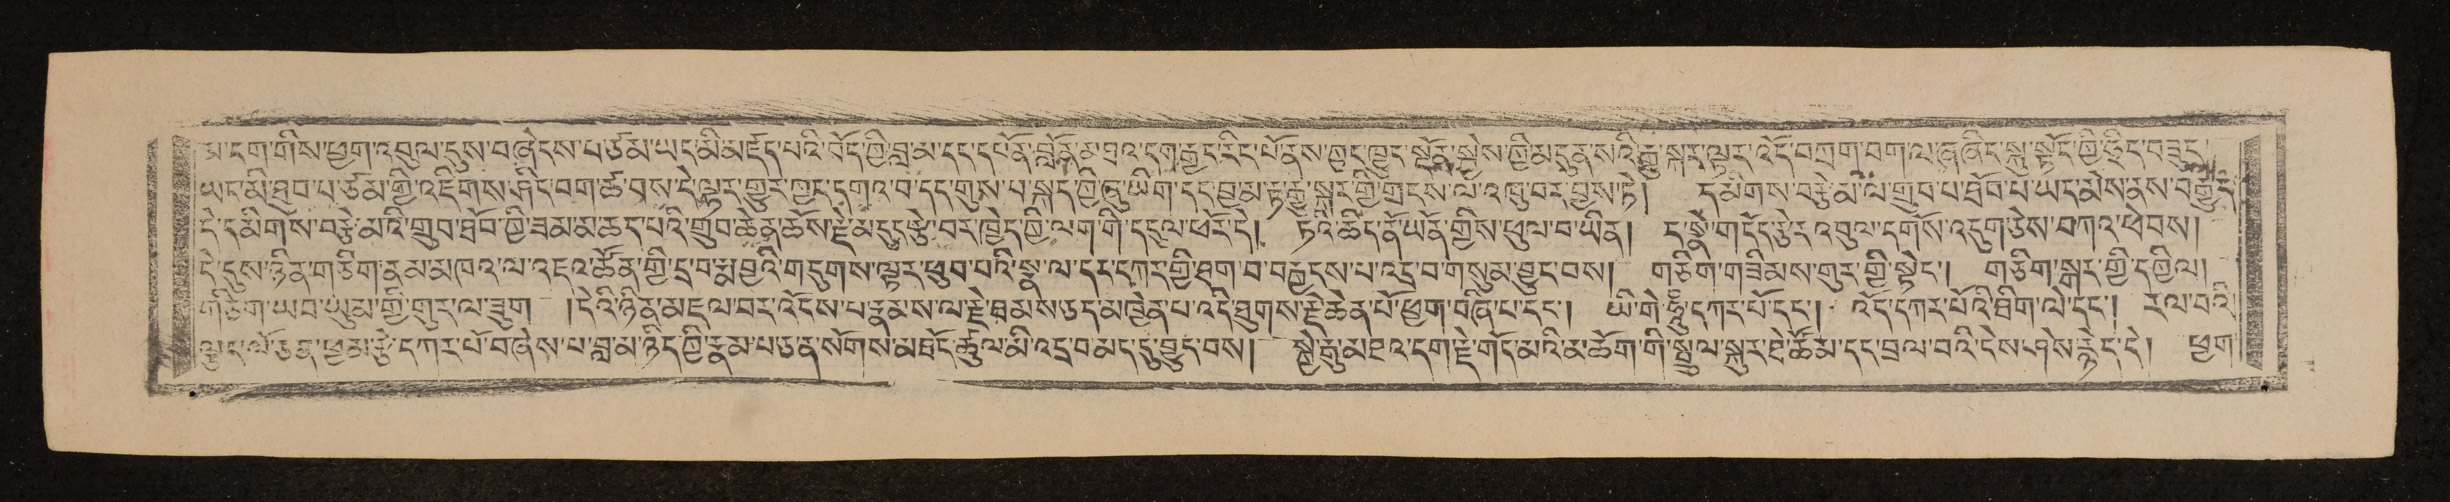མ་དག་གིས་ཕྱག་འབུལ་དུས་བཞེངས་པ་ཙམ་ཡང་མི་མཛད་པའི་བོད་ཀྱི་བླ་མ་དང་དཔོན་བློན་མཐའ་དག་རྒྱང་རིང་པོ་ནས་ཀྱང་ཁྱད་སྔོན་སྐྱེས་ཀྱི་མདུན་སའི་རྒྱུ་སྐར་ལྟར་འོད་བཀྲག་བག་ལ་ཞ་ཞིང་སྐུ་སྟོད་ཀྱི་ཧྲིད་བཟུང་
ཡང་མི་ཐུབ་པ་ཙམ་གྱི་འཇིགས་ཤིང་བག་ཚ་བས་དེ་ལྟར་གྱུར་ཀྱང་དགའ་བ་དང་གུས་པ་སྐད་ཀྱི་ཞུ་ཡིག་དང་བྱ་མ་རྟ་རྒྱུ་སྐར་གྱི་གྲངས་ལ་འཁུ་བར་བྱས་ཏེ། དམིགས་བརྩེམ་ལ་གྲུབ་པ་ཐོབ་པ་ཡང་མེས་ནས་བརྒྱུད་
དེ་དམིགས་བརྩེ་མའི་གྲུབ་ཐོབ་ཀྱི་ཟམ་མ་ཆད་པའི་གྲུབ་ཆེན་ཆོས་རྗེ་མདུང་རྩེ་བར་ཁྱེད་ཀྱི་ལག་གི་དངུལ་ཕོར་དེ། ཏའི་ཆིང་ནོ་ཡོན་གྱིས་ཕུལ་བ་ཡིན། ད་སྣེ་གདོང་རྩེར་འབུལ་དགོས་འདུག་ཅེས་བཀའ་ཕེབས།
དེ་དུས་ཉིན་གཅིག་ནམ་མཁའ་ལ་འཇའ་ཚོན་གྱི་དྲ་བ་རྨ་བྱའི་གདུགས་ལྟར་ཕུབ་པའི་སྣ་ལ་དར་དཀར་གྱི་ཐག་པ་བརྐྱངས་པ་འདྲ་བ་གསུམ་བྱུང་བས། གཅིག་གཟིམས་གུར་གྱི་སྟེང་། གཅིག་སྒར་གྱི་དཀྱིལ།
གཅིག་ཡབ་ཡུམ་གྱི་གུར་ལ་ཟུག །དེའི་ཉིན་མཇལ་བར་འོངས་པ་རྣམས་ལ་རྗེ་ཐམས་ཅད་མཁྱེན་པ་འདི་ཐུགས་རྗེ་ཆེན་པོ་ཕྱག་བཞི་པ་དང་། ཡི་གེ་ཧཱུཾ་དཀར་པོ་དང་། འོད་དཀར་པོའི་ཐིག་ལེ་དང་། རལ་བའི་
ལྕང་ལོ་ཅན་ཕྱམ་རྩེ་དཀར་པོ་བཞེས་པ་བླ་མ་ཉིད་ཀྱི་རྣམ་པ་ཅན་སོགས་མཐོང་ཚུལ་མི་འདྲ་བ་མང་དུ་བྱུང་བས། སྐྱེ་རྒུ་མཐའ་དག་རྗེ་གོང་མའི་མཆོག་གི་སྤྲུལ་སྐུར་ཐེ་ཚོམ་དང་བྲལ་བའི་ངེས་ཤེས་རྙེད་དེ། ཕྱག་